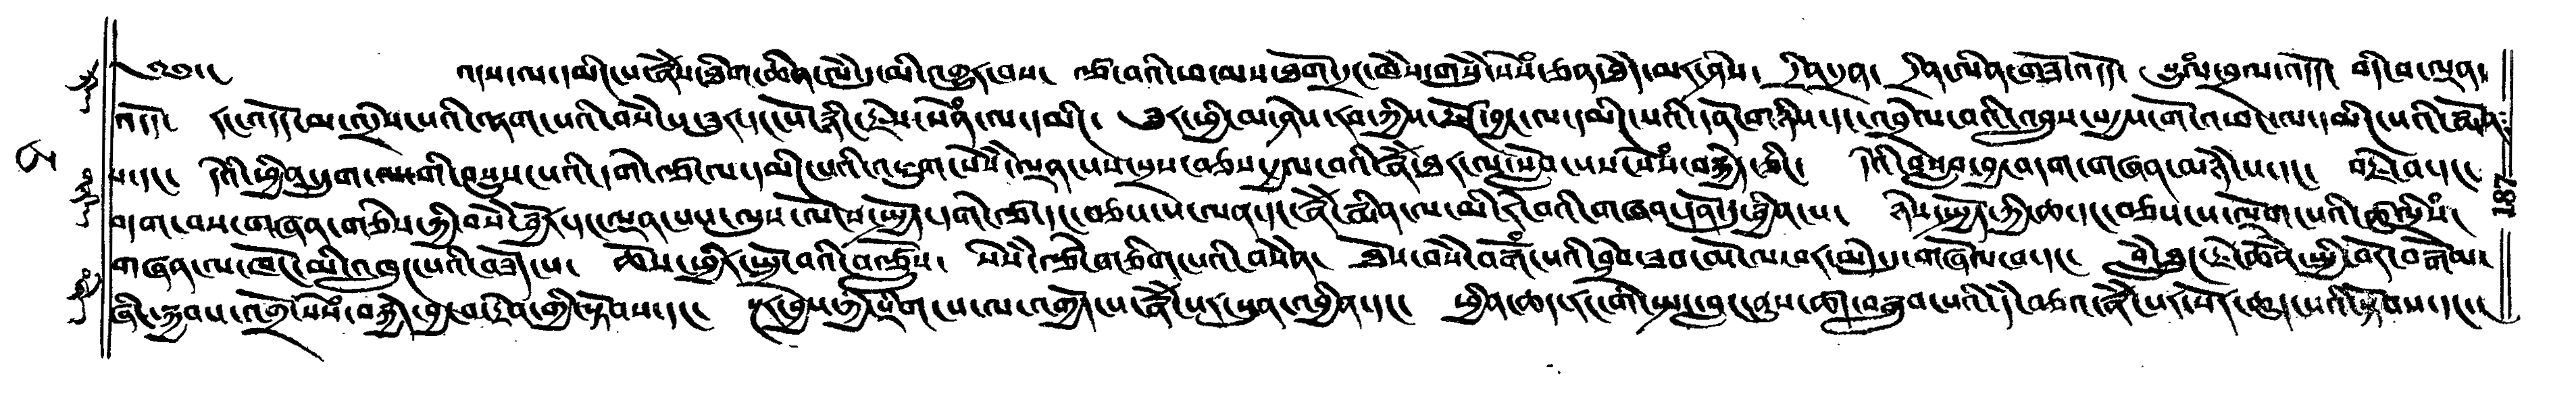འདས་ལ་དམིགས་པ་རྣམས་ཐེག་ཆེན་ལམ་དུ་མི་འགྱུར་བས། རྩ་བའི་ཕ་མས་ཐོག་དྲངས་ཁམས་གསུམ་སེམས་ཅན་ཐམས་ཅད་མར་ཤཻས། དྲིན་དྲན། དྲིན་ལན་གསབ་འདོད། སྡུག་བསྔལ་བྲལ་འདོད། བདེ་བ་ལྡན་
འདོད། རང་འདོད་མ་འདྲེས་པའི་ལྷག་པའི་བསམ་པ་ཟུར་དང་པོ་སྙིང་རྗེས་སེམས་ཅན་ལ་དམིགས། ཟུར་ཕྱི་མ་ཤེས་རབ་ཀྱིས་རྫོགས་བྱང་ལ་དམིགས་པའི་དོན་གཉིས་དང་འབྲེལ་བའི་འབྲས་བུ་སངས་རྒྱས་ཀྱི་གོ་འཕང་ལ་དམིགས་པའི་སྨོན་
པ་དང་། དེའི་ཕྱིན་དྲུག་གི་བསྡུས་པའི་དགེ་རྩ་ལ་དམིགས་པའི་འཇུག་སེམས་ལྡན་པས་སྲས་བཅས་རྒྱལ་བའི་རྣམ་ཐར་ལ་སློབ་པས་སེམས་བསྐྱེད་ཅིང་། དེའི་བསླབ་བྱ་བདག་གཞན་མཉམ་པ་དང་། བརྗེ་བ་དང་། 
བདག་པས་གཞན་གཅེས་ཀྱི་བསམ་སྦྱཽར་དང་ལྡན་པས་ལུས་ལོངས་སྤྱོད་དགེ་རྩ་དང་བཅས་པ་ལན་དང་རྣམ་སྨིན་ལ་མི་རེ་བའི་གཞན་དོན་དུ་སྦྱིན་པ། ཉེས་སྤྱོད་ཀྱི་ཆ་དང་བཅས་པ་ལྡོག་པའི་ཚུལ་ཁྲིམས།
གཞན་ལ་ཁོང་མི་འཁྲུགས་པའི་བཟོད་པ། ཆོས་ཕྱིར་སྤྲོ་བའི་བརྩོན་འགྲུས། སེམས་རྩེ་གཅིག་པའི་བསམ་གཏན། ཐོས་བསམ་བསྒོམ་པའི་ཤེས་རབ་ཟབ་མོ་ལ་བར་མེད་དུ་གཞོལ་བ་དང་། བླ་མ་ཐུགས་རྗེ་ཆེན་པོ་སྤྱི་བོར་བསྒོམ་
ཞིང་སྐྱབས་འགྲོ་སེམས་བསྐྱེད་བྱ་བ་རྟེན་གྱི་སྟོབས་དང་། སྔར་བྱས་ཀྱིས་སྡིག་པ་ལ་འགྱོད་པ་རྣམ་པར་སུན་འབྱིན་དང་། ཕྱིན་ཆད་རང་གི་སྤང་བླང་ནུས་ཚད་བསྒྲུབ་པའི་དམ་བཅའ་རྣམ་པར་སོར་ཆུད་པའི་སྟོབས་དང་།